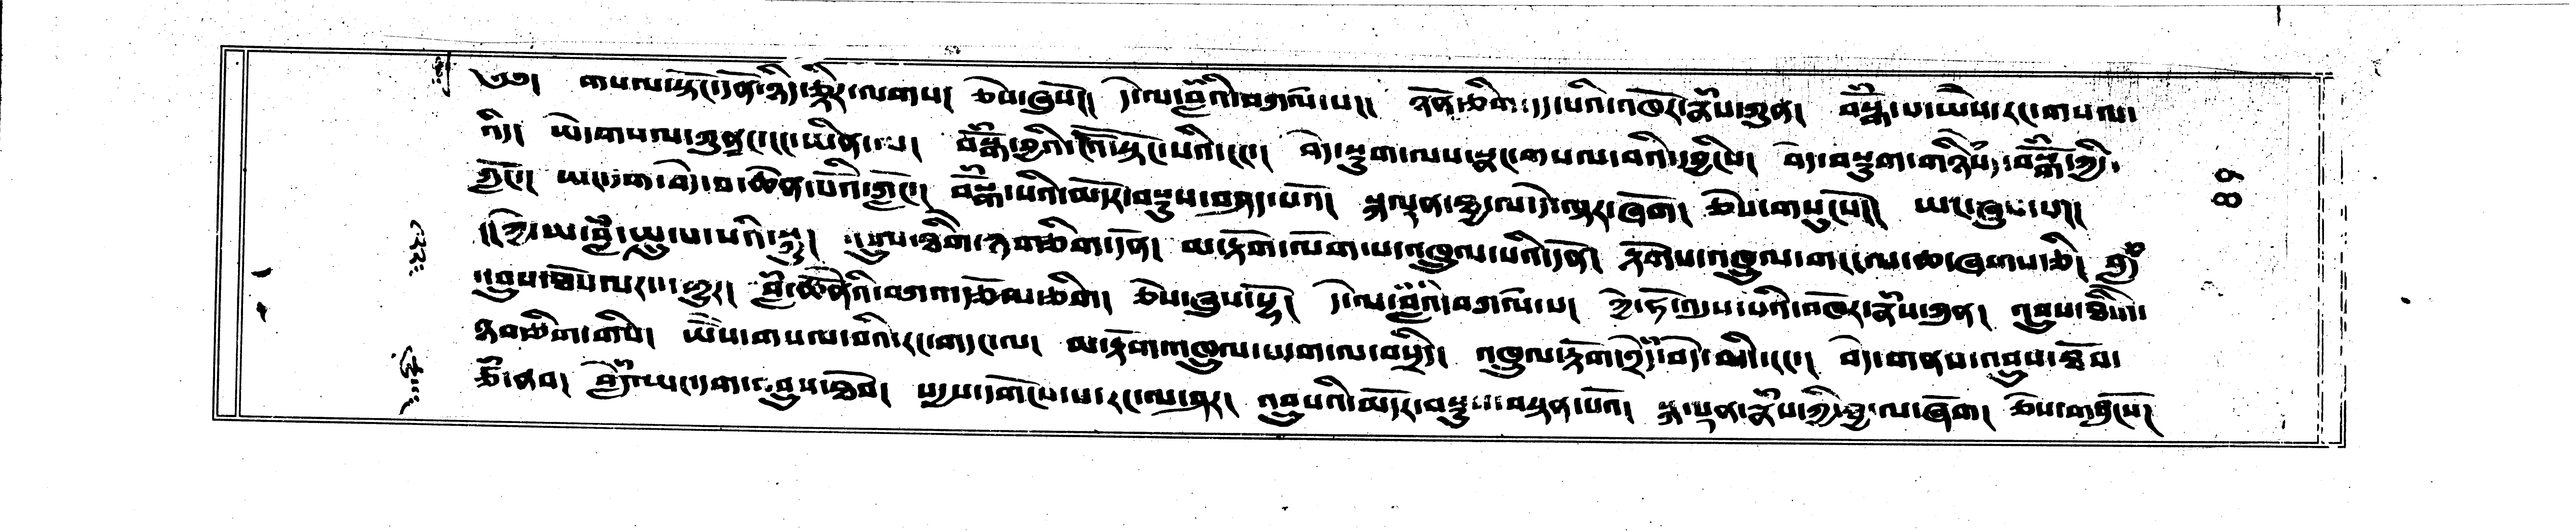གསལ་སྟོང་དོན་ཉིད་ཅི་ལྟར་ལགས། ཅེས་ཞུས་སོ། །དེ་ལ་བླ་མའི་བཀའ་སྩལ་པ། ཉོན་ཅིག་དད་པའི་འཁོར་རྣམས་ཀུན། བསྒོམ་པ་ཡེ་ཤེས་རང་གསལ་
འདི། ཡེ་ནས་ཀུན་བཟང་ངང་ཡིན་ལ། བསྒོམ་བྱའི་ངོ་བོ་སྟོང་པའི་ངང་། བདེ་སྡུག་ལས་སྣང་གསལ་བའི་དབྱིངས། བདེ་སྡུག་གཉིས་མེད་བསྒོམ་བྱའི་
ཀློང་། ཡང་དག་བདེ་བ་ཆེན་པོའི་ཀློང་། བསྒོམ་པའི་མདོར་བསྡུས་བཤད་པའོ། །སྐལ་ལྡན་ཐུགས་ལ་དེ་ལྟར་ཞོག །ཅེས་གསུངས་སོ། །ཡང་ཞུས་པ། 
ཀྱེ་མ་བླ་མ་སྤྲུལ་པའི་སྐུ། འབྲས་བུ་ཐིག་ལེ་ཉག་གཅིག་དོན། མ་རྟོགས་ལོག་པ་འཁྲུལ་པའི་དོན། རྟོགས་འཁྲུལ་གང་ལ་ཆ་བཞག་ཅི། བླ་མེད་
འབྲས་བུ་ཐོབ་པར་འགྱུར། བླ་མ་ཆེན་པོས་བཀའ་སྩོལ་ཅིག ཅེས་ཞུས་སོ། །དེ་ལ་བླ་མས་བཀའ་སྩལ་པ། ཀྱེ་ཧོ་འདུས་པའི་འཁོར་རྣམས་ཀུན། འབྲས་བུ་ཐིག་ལེ་
ཉག་གཅིག་གིས། ཡེ་ཤེས་གསལ་བའི་རང་གདང་ལ། མ་རྟོགས་འཁྲུལ་པ་ག་ལ་སྲིད། འཁྲུལ་རྟོག་གཉིས་མེད་བདེ་བའི་ངང་། བདེ་གནས་འབྲས་བུ་ཐོབ་
ཙམ་ན། བླ་མེད་ཡང་དག་འབྲས་བུ་ཐོབ། སངས་རྒྱས་དགོངས་པ་རང་ལ་ཤར། འབྲས་བུའི་མདོར་བསྡུས་བསྟན་པའོ། །སྐལ་ལྡན་རྣམས་ཀྱི་ཐུགས་ལ་ཞོག །ཅེས་གསུངས་སོ། །